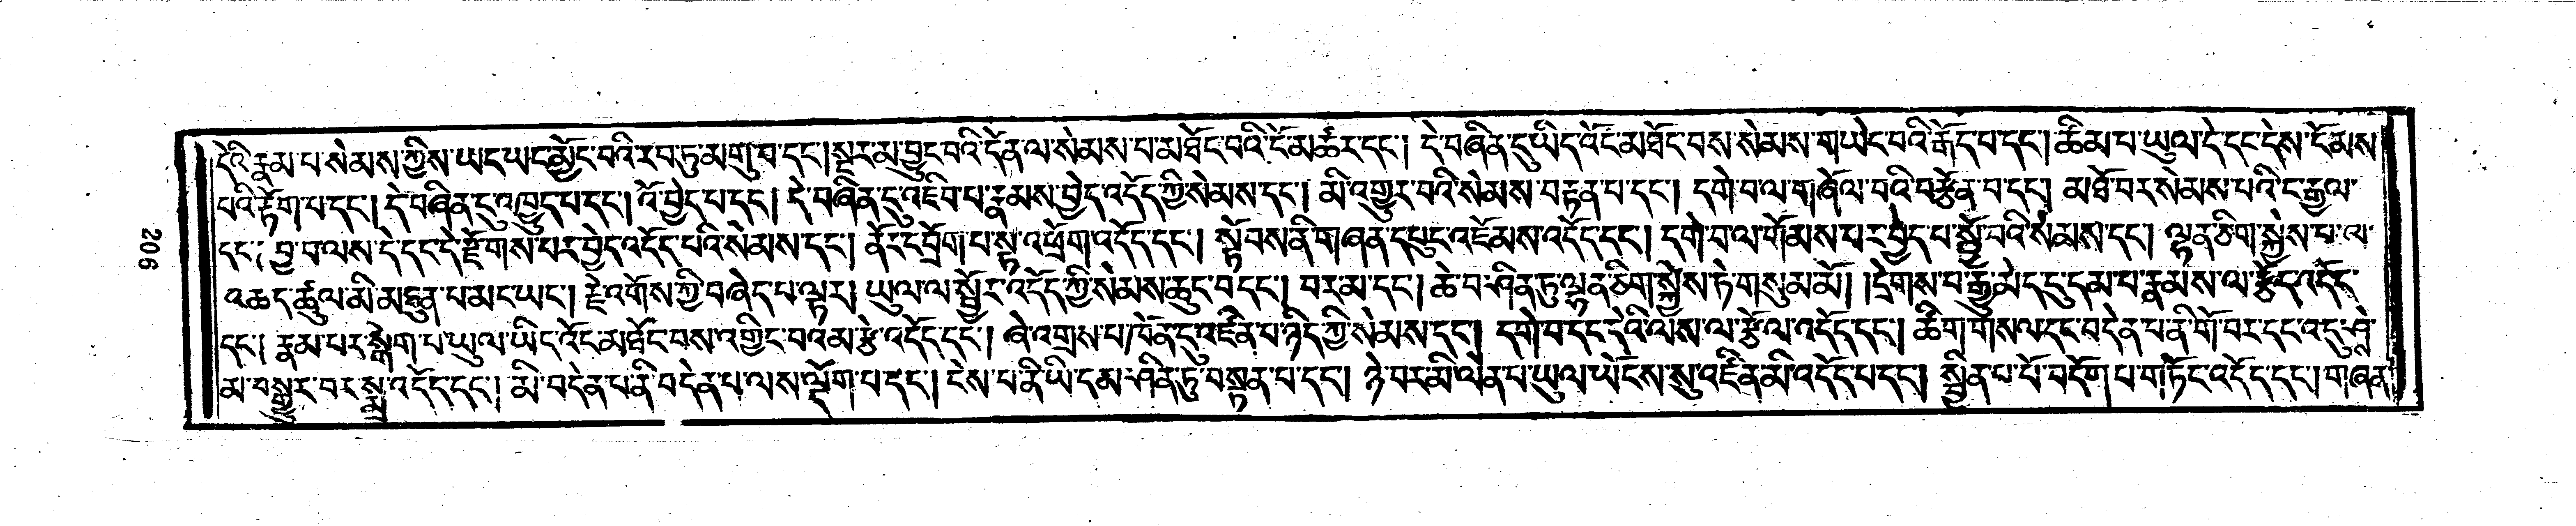དེའི་རྣམ་པ་སེམས་ཀྱིས་ཡང་ཡང་མྱོང་བའི་རབ་ཏུ་མགུ་བ་དང་། སྔར་མ་བྱུང་བའི་དོན་ལ་སེམས་པ་མཐོང་བའི་ངོ་མཚར་དང་། དེ་བཞིན་དུ་ཡིད་འོང་མཐོང་བས་སེམས་གཡེང་བའི་རྒོད་པ་དང་། ཚིམ་པ་ཡུལ་དེ་དང་དེས་ངོམས་
པའི་རྟོག་པ་དང་། དེ་བཞིན་དུ་འཁྱུད་པ་དང་། འོ་བྱེད་པ་དང་། དེ་བཞིན་དུ་འཇིབ་པ་རྣམས་བྱེད་འདོད་ཀྱི་སེམས་དང་། མི་འགྱུར་བའི་སེམས་བརྟན་པ་དང་། དགེ་བ་ལ་གཞོལ་བའི་བརྩོན་པ་དང་། མཐོ་བར་སེམས་པའི་ང་རྒྱལ་
དང་། བྱ་བ་ལས་དེ་དང་དེ་རྫོགས་པར་བྱེད་འདོད་པའི་སེམས་དང་། ནོར་དཔྲོག་པ་སྟེ་འཕྲོག་འདོད་དང་། སྟོབས་ནི་གཞན་དཔུང་འཇོམས་འདོད་དང་། དགེ་བ་ལ་གོམས་པར་བྱེད་པ་སྤྲོ་བའི་སེམས་དང་། ལྷན་ཅིག་སྐྱེས་པ་ལ་
འཆད་ཚུལ་མི་མཐུན་པ་མང་ཡང་། རྗེ་འགོས་ཀྱི་བཞེད་པ་ལྟར། ཡུལ་ལ་སྦྱོར་འདོད་ཀྱི་སེམས་ཆུང་བ་དང་། བར་མ་དང་། ཆེ་བ་ཤིན་ཏུ་ལྷན་ཅིག་སྐྱེས་ཏེ་གསུམ་མོ། །དྲེགས་པ་རྒྱུ་མེད་དུ་དམ་པ་རྣམས་ལ་རྩོད་འདོད་
དང་། རྣམ་པར་སྒེག་པ་ཡུལ་ཡིད་འོང་མཐོང་བས་འགྱིང་བའམ་རྩེ་འདོད་དང་། ཞེ་འགྲས་པ་ཁོན་དུ་འཛིན་པ་ཉིད་ཀྱི་སེམས་དང་། དགེ་བ་དང་དེའི་ལས་ལ་རྩོལ་འདོད་དང་། ཚིག་གསལ་དང་བདེན་པ་ནི་གོ་བར་དང་འདུ་ཤེས་
མ་བསྒྱུར་བར་སྨྲ་འདོད་དང་། མི་བདེན་པ་ནི་བདེན་པ་ལས་ལྡོག་པ་དང་། ངེས་པ་ནི་ཡི་དམ་ཤིན་ཏུ་བསྟན་པ་དང་། ཉེ་བར་མི་ལེན་པ་ཡུལ་ཡོངས་སུ་འཛིན་མི་འདོད་པ་དང་། སྦྱིན་པ་པོ་བདོག་པ་གཏོང་འདོད་དང་། གཞན་